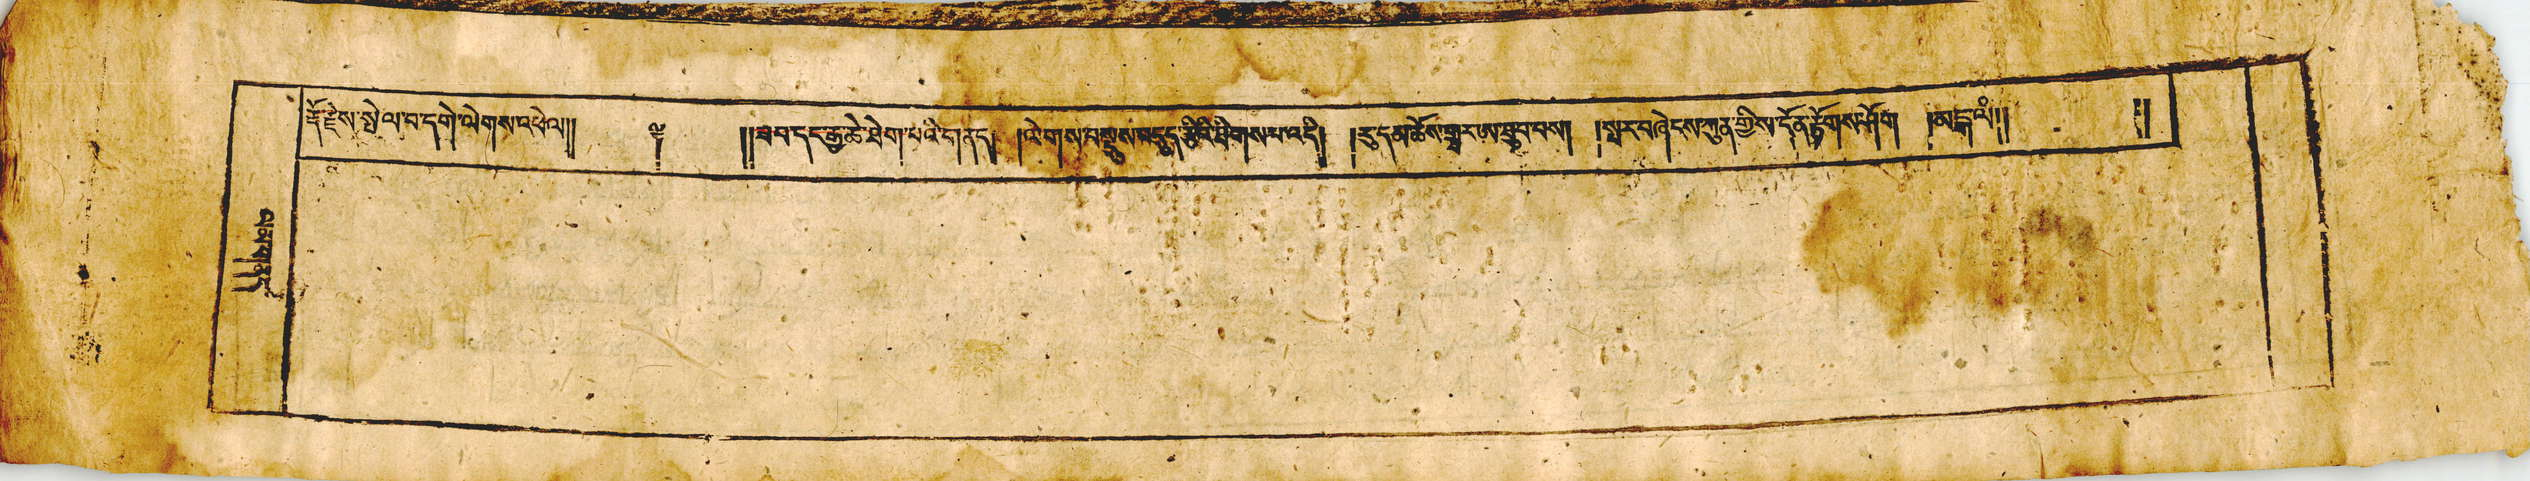རྡོ་རྗེས་སྤེལ་བ་དགེ་ལེགས་འཔེལ།། ༈ །།ཟབ་དང་རྒྱ་ཆེ་ཐེག་པའི་གནད། །ལེགས་པར་བསྡུས་བདུད་རྩིའི་ཐིགས་པ་འདི། །རུ་དམ་ཆོས་གྲྭར་ཨ་ཐུབ་པས། །སྤར་བཞེངས་ཀུན་གྱིས་དོན་རྟོགས་ཤོག །མངྒལཾ།། །།